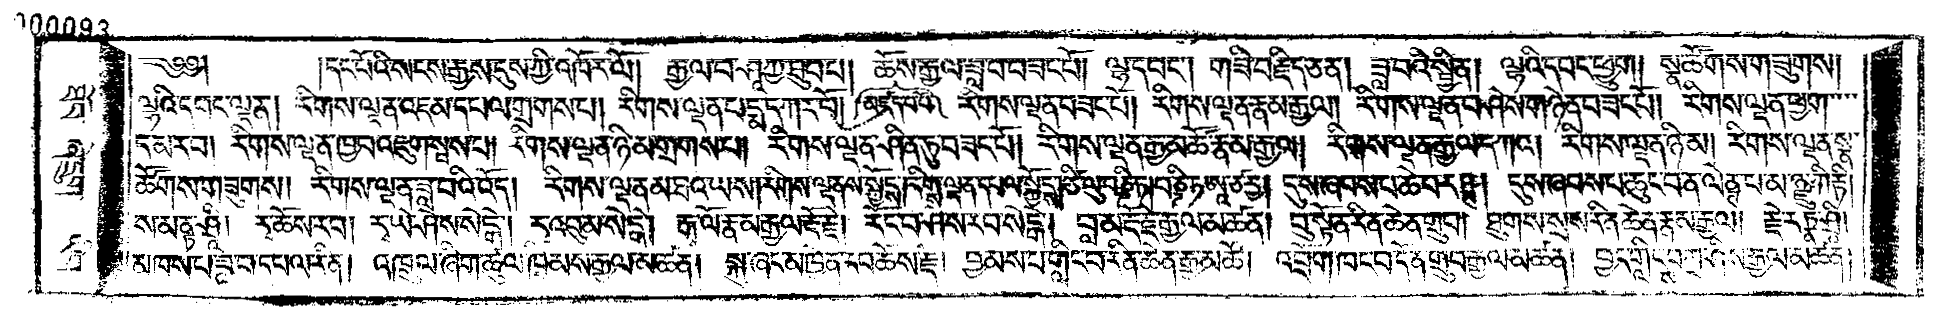༄༅། །དང་པོའི་སངས་རྒྱས་དུས་ཀྱི་འཁོར་ལོ། རྒྱལ་བ་ཤཱཀྱ་ཐུབ་པ། ཆོས་རྒྱལ་ཟླ་བ་བཟང་པོ། ལྷ་དབང་། གཟི་བརྗིད་ཅན། ཟླ་བའི་སྦྱིན། ལྷའི་དབང་ཕྱུག། སྣ་ཚོགས་གཟུགས།
ལྷའི་དབང་ལྡན། རིགས་ལྡན་འཇམ་དཔལ་གྲགས་པ། རིགས་ལྡན་པདམ་དཀར་པོ་༼མཛད་པ་པོ༽་རིགས་ལྡན་བཟང་པོ། རིགས་ལྡན་རྣམ་རྒྱལ། རིགས་ལྡན་བཤེས་གཉེན་བཟང་པོ། རིགས་ལྡན་ཕྱག་
དམར་བ། རིགས་ལྡན་ཁྱབ་འཇུག་སྦས་པ། རིགས་ལྡན་ཉི་མ་གྲགས་པ། རིགས་ལྡན་ཤིན་ཏུ་བཟང་པོ། རིགས་ལྡན་རྒྱ་མཚོ་རྣམ་རྒྱལ། རིགས་ལྡན་རྒྱལ་དཀའ། རིགས་ལྡན་ཉི་མ། རིགས་ལྡན་སྣ་
ཚོགས་གཟུགས། རིགས་ལྡན་ཟླ་བའི་འོད། རིགས་ལྡན་མཐའ་ཡས། རིགས་ལྡན་ས་སྐྱོངས། རིགས་ལྡན་དཔལ་སྐྱོངས། ཙི་ལུ་པཎྜི་ཏ། པཎྜི་ཏ་ཨཱ་ཙརྱ། དུས་ཞབས་པ་ཆེ་བར་ཥྚ། དུས་ཞབས་པ་ཆུང་བ་ན་ལེནྚ་པ་མ་ཉྫུ་ཀིརྟི།
ས་མནྟ་ཤྲཱི། རྭ་ཆོས་རབ། རྭ་ཡེ་ཤེས་སེངྒེ། རྭ་འབུལ་སེངྒེ། རྒྭ་ལོ་རྣམ་རྒྱལ་རྡོ་རྗེ། རོང་བ་ཤེས་རབ་སེངྒེ། བླ་མ་རྡོ་རྗེ་རྒྱལ་མཚན། བུ་སྟོན་རིན་ཆེན་གྲུབ། ཐུགས་སྲས་རིན་ཆེན་རྣམ་རྒྱལ། རྗེ་ར་ཏྣ་ཤྲཱི།
མཁས་པ་ཟླ་བ་དཔལ་རིན། འཁྲུལ་ཞིག་ཚུལ་ཁྲིམས་རྒྱལ་མཚན། སྐུ་ཞང་མཁྱེན་རབ་ཆོས་རྗེ། བྱམས་པ་གླིང་བ་རིན་ཆེན་རྒྱ་མཚོ། འབྲོག་ཁང་བ་དོན་གྲུབ་རྒྱལ་མཚན། བྱང་གླིངས་བཀྲ་ཤིས་རྒྱལ་མཚན།